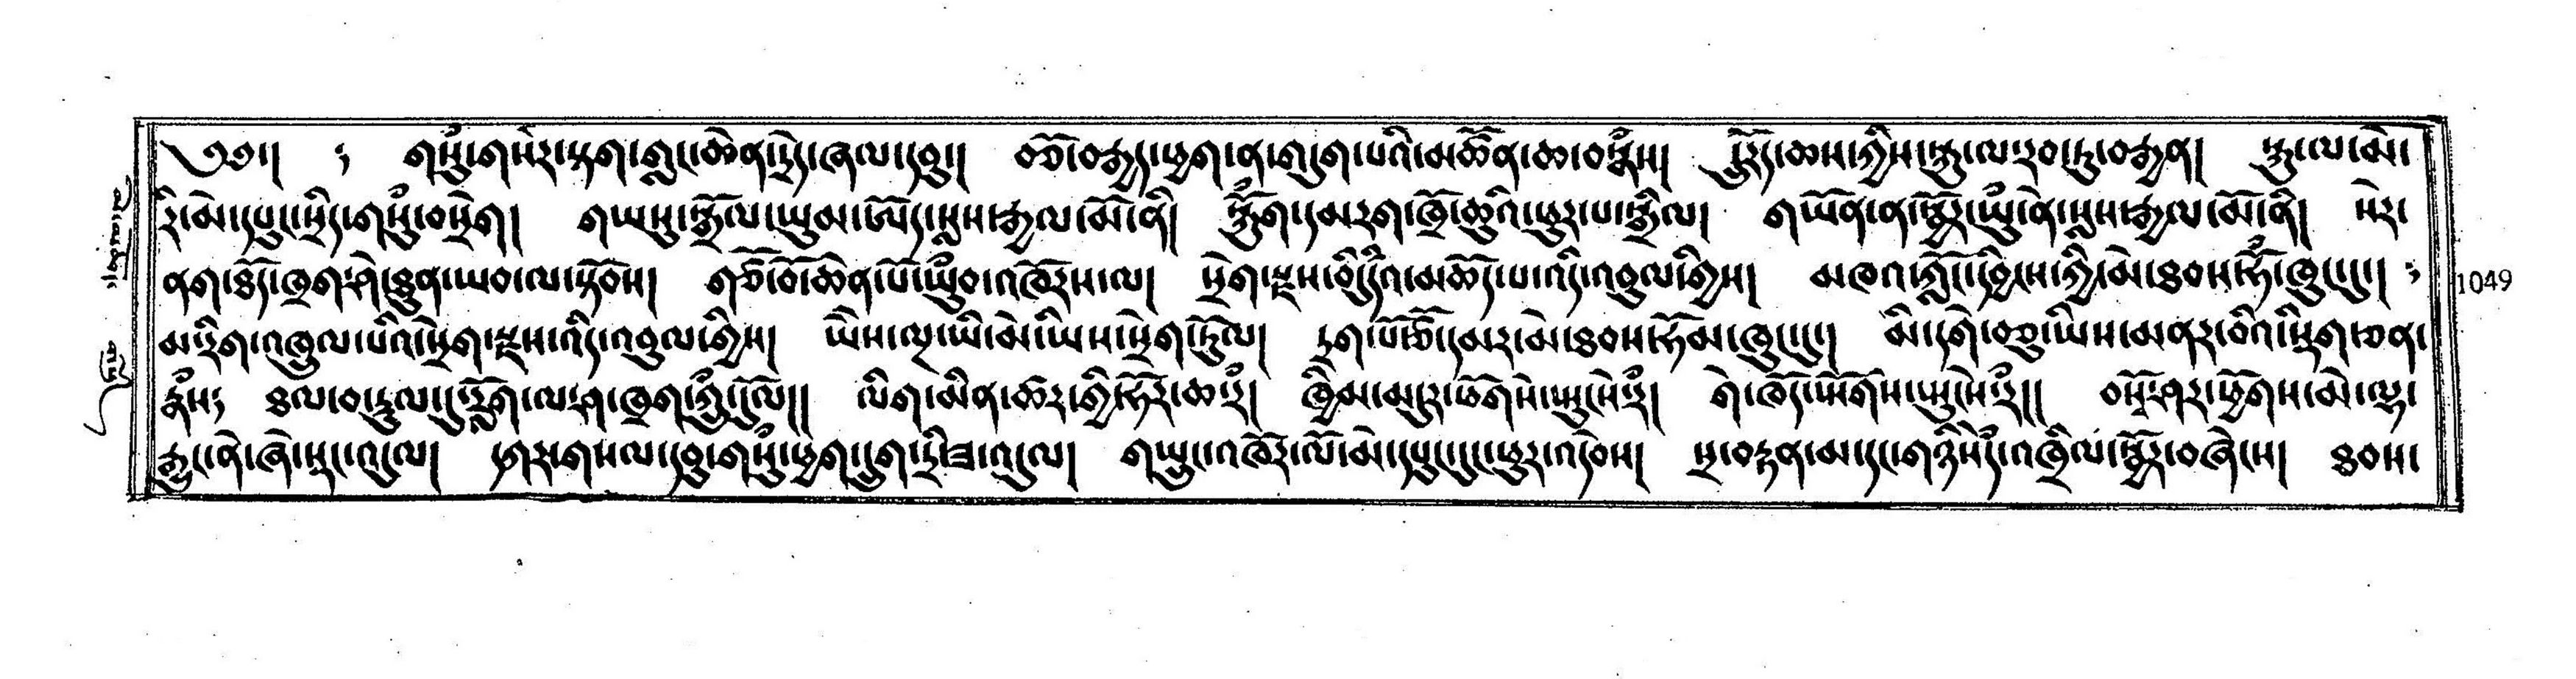གསུམ་གསེར་སྟག་གླང་ཆེན་དྲེད་ཞལ་དབུ། བཅོ་བརྒྱད་ཕྱག་ན་གདུག་པའི་མཚོན་ཆ་བསྣམས། དུར་ཁྲོད་ཆས་ཀྱིས་སྐུ་ལ་རབ་ཏུ་བརྒྱན། སྐུ་ལ་མེ་
རི་མེ་དཔུང་སྲིད་གསུམ་བསྲེག གཡས་སུ་སྒྲོལ་ཡུམ་ཨོད་སླས་རྒྱལ་མོ་ནི། སྐུ་མདོག་དམར་ནག་ཁྲོ་ཆུའི་ཕུར་པ་སྒྲིལ། གཡོན་ན་སྦྱོར་ཡུམ་ནེ་སླས་རྒྱལ་མོ་ནི། སེར་
ནག་ཐོད་ཁྲག་ཤེ་ཐུན་ཡབ་ལ་སྟོབས། གཙོ་བོ་ཆེན་པོ་ཡབ་ཡུམ་འཁོར་བཅས་ལ། སྲེག་རྫས་བདུད་རྩིའི་མཆོད་པ་འདི་འབུལ་གྱིས། མཁའ་ཀློང་དབྱིངས་ཀྱི་མེ་ཐབས་ཧོམ་ཁུང་དུ། 
མ་རིག་འཁྲུལ་པའི་སྲེག་རྫས་འདི་འབུལ་གྱིས། ཡེ་ཤེས་ལྔ་ཡི་མེ་ཡིས་སྲེག་ཏུ་གསོལ། དྲག་པོ་ཙོ་དམར་མེ་ཐབས་ཧོམ་ཁུང་དུ། མི་དགེ་བཅུ་ཡིས་མནར་བའི་སྡིག་ཅན་
རྣམས། ཐལ་བ་རྡུལ་དུ་རློག་ལ་ཤ་ཁྲག་ཀྲུམ་དུ་གསོལ།། ལིག་མིན་ཚར་གྱི་ཧོར་ཆ་རཾ། ཁྱིམ་མདུར་ཕོགསེ་སྤུངསེ་རཾ། གེ་ཁོད་སྤོགསེ་སྤུངསེ་རཾ།། བསྭོ་ཤར་ཕྱོགས་མེ་ལྷ་
རྒྱུང་ནེ་ཞེ་སྡང་འདུལ། དཀར་གསལ་དབུ་གསུམ་ཕྱག་དྲུག་དྲི་ཟ་འདུལ། གཡུང་དྲུང་འཁོར་ལོ་མེ་དཔུང་དུང་ཕུར་འདེབས། སྲ་བརྟན་མ་དང་གཉིས་མེད་འཁྲིལ་སྦྱོར་བཞེངས། ཐབས་